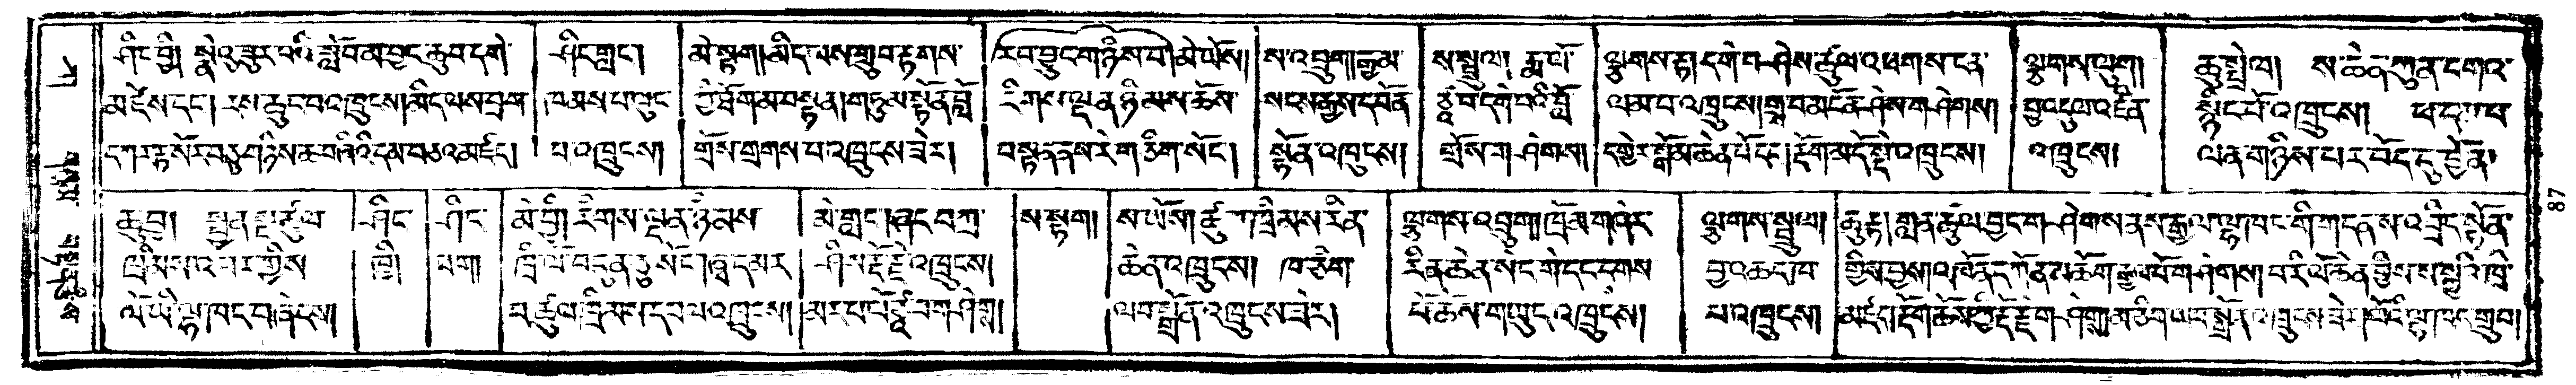ཤིང་བྱི། སྣེའུ་ཟུར་བའི་སློབ་མ་བྱང་ཆུབ་དགེ། ཤིང་གླང་མེ་སྟག། མིད་ལས་གྲུབ་རྟགས་རབ་བྱུང་གཉིས་བ། མེ་ཡོས། ས་འབྲུག། །རྒྱམ་ས་སྦྲུལ། རྨ་ལོ་ལྕགས་རྟ། དགེ་བཤེས་ཚུལ་འཕགས་ངན་ལྕགས་ལུག། ཆུ་སྤྲེལ། ས་ཆེན་ཀུན་དགའ་
མཛེས་དང་། རས་ཆུང་བ་འཁྲུངས། མིད་ལས་བྲག་ཁམས་པ་ལུང་ཀྱི་ཐོག་མ་བསྟན། གཏུམ་སྟོན་བློ་རིགས་ལྡན་ཉི་མས་ཆོས་སངས་རྒྱས་དབོན་ཙཱ་བ་དགེ་བའི་བློ་ལམ་བ་འཁྲུངས། གྲྭ་བ་མངོན་ཤེས་གཤེགས། བྱ་འདུལ་འཛིན། སྙིང་པོ་འཁྲུངས། ཕ་དམ་པ་
དཀར་རྟ་སོར་བཅུ་གཉིས་ཆ་བཞིའི་དམ་བཅའ་མཛད། པ་འཁྲུངས། གྲོས་གྲགས་པ་འཁྲུངས་ཟེར། བསྟན་ནས་རེ་གཅིག་སོང་། སྟོན་ཁུངས། གྲོས་གཤེགས། དགྱེར་སྒོམ་ཆེན་པོ་དང་། རྡོག་མདོ་སྡེ་འཁྲུངས། འཁྲུངས། ལན་གཉིས་པར་བོད་དུ་བྱོན།
ཆུ་བུ། སྤྱན་སྔ་ཚུལ་ཤིང་ཤིང་མེ་བྱི། རིགས་ལྡན་ཉི་མས་མེ་གླང་། ཞང་བཀྲ་ས་སྟག །ས་ཡོས། ཚུལ་ཁྲིམས་རིན་ལྕགས་འབྲུག། ཁྲོམ་གཞེར་ལྕགས་སྦྲུལ། ཆུ་རྟ། གླན་ཚུལ་བྱང་གཤེགས་ནས་རྒྱལ་ལྷ་ཁང་གི་གདན་ས་འབྲིད་སྟོན་
ཁྲིམས་འཕར་གྱིས། ཁྱི། པག །ཁྲི་ལོ་བདུན་ཅུ་སོང་། ཞྭ་དམར་ཤིས་རྡོ་རྗེ་འཁྲུངས། ཆེན་འཁྲུངས། ཁ་ཅིག་རིན་ཆེན་སེང་གེ་དང་དུགས་བྱ་འཆང་ཁ་གྱིས་བྱས། འཁོན་དཀོན་མཆོག་རྒྱལ་པོ་གཤེགས། བ་རི་ལོ་ཆེན་བྱིས་ས་སྐྱའི་ཁྲི་
ལོ་ཡི་ལྷ་ཁང་བཞེངས། བ་ཚུལ་ཁྲིམས་དཔལ་འཁྲུངས། མར་པ་ལོ་ཙཱ་བ་གཤེགས། ལབ་སྒྲོན་འཁྲུངས་ཟེར། པོ་ཆོས་གཡུང་འཁྲུངས། པ་འཁྲུངས། མཛད། རྡོག་ཆོས་ཀྱི་རྡོ་རྗེ་གཤེགས་མ་ཅིག་ཡབ་སྒྲོན་འཁྲུངས་ཟེར། པོའི་ལྷ་ཁང་གྲུབ།